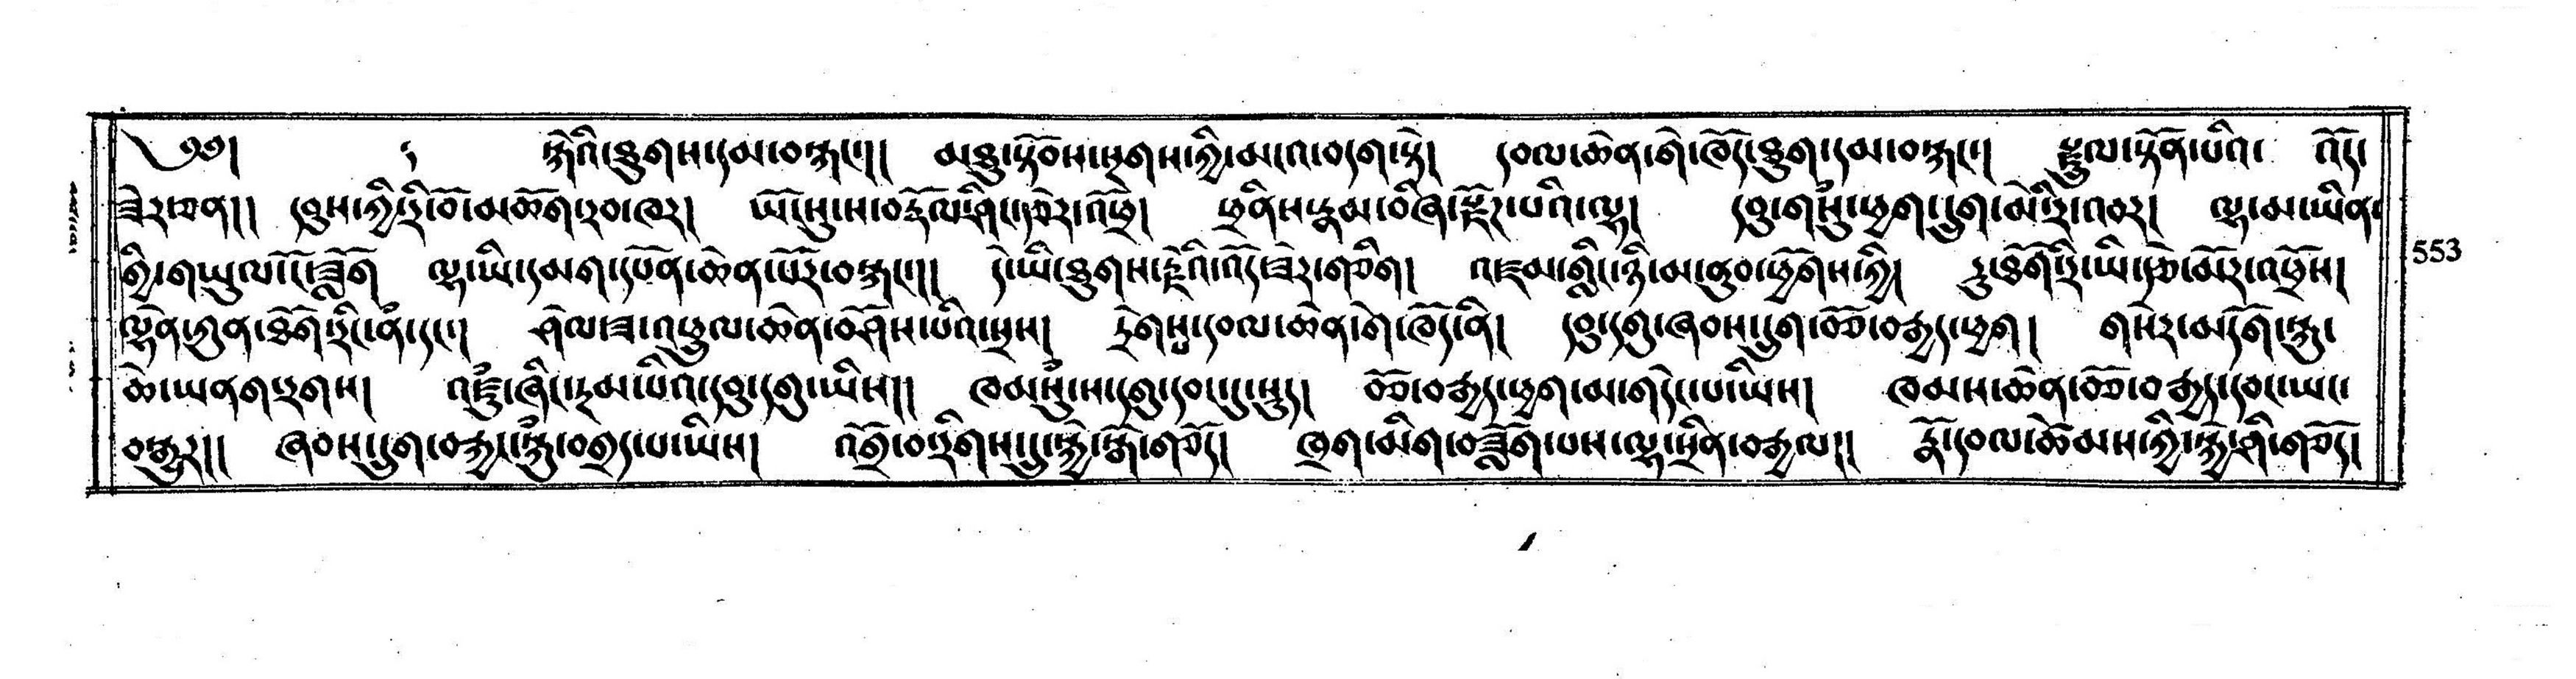སྐེའི་ཐུགས་དམ་བསྐང་།། མཐུ་སྟོབས་སྔགས་ཀྱི་མངའ་བདག་སྟེ། དབལ་ཆེན་གེ་ཁོད་ཐུག་དམ་བསྐང་། རྫུ་འཕྲུལ་སྟོན་པའི། འོད་
ཟེར་ཅན།། དབུས་ཀྱི་རི་བོ་མཆོག་རབ་ཁར། ཡོངས་སུ་བརྡོལ་ཤིང་རྩེར་འཕྲོ། ཕྲིན་ལས་རྣམ་བཞི་རྫོགས་པའི་ལྷ། དབུ་གསུམ་ཕྱག་དྲུག་མེ་རི་འབར། ལྷ་མ་ཡིན་
གྱི་གཡུལ་ངོ་ཟློག ལྷ་ཡི་དམག་དཔོན་ཆེན་པོར་བསྐང་།། དེ་ཡི་ཐུགས་རྗེའི་འོད་ཟེར་གཅིག འཛམ་གླིང་ཉི་མ་ནུབ་ཕྱོགས་ཀྱི། རུ་ཐོག་རི་ཡི་རྩེ་མོར་འཕྲོས། 
ལྷ་ཆེན་ཀུན་ཐོག་རིང་ནམ་དང་། ཤེལ་ཟ་འཕྲུལ་ཆེན་བཤོས་པའི་སྲས། དྲེགས་པ་དབལ་ཆེན་གེ་ཁོད་ནི། དབུ་དགུ་ཞབས་དྲུག་བཅོ་བརྒྱད་ཕྱག གསེར་མདོག་སྐུ་
ཆེ་ཡན་ལག་རགས། འཛུམ་ཞིང་རྔམ་པའི་དབུ་དགུ་ཡིས།། ཁམས་གསུམ་ས་དགུ་དབང་དུ་སྡུད། བཅོ་བརྒྱད་ཕྱག་མ་གདེང་པ་ཡིས། ཁམས་ཆེན་བཅོ་བརྒྱད་དབང་ཡང་
བསྒྱུར།། ཞབས་དྲུག་བརྐྱང་སྐུམ་བགྲད་པ་ཡིས། འགྲོ་བ་རིགས་དྲུ་སྐྱེ་སྒོ་གཅོད། ཁྲག་མིག་བཟློག་པས་ལྷ་སྲིན་བརྒྱལ།། རྣོ་དབལ་ཚེམས་ཀྱི་སྐྱོ་ཤི་གཅོད།